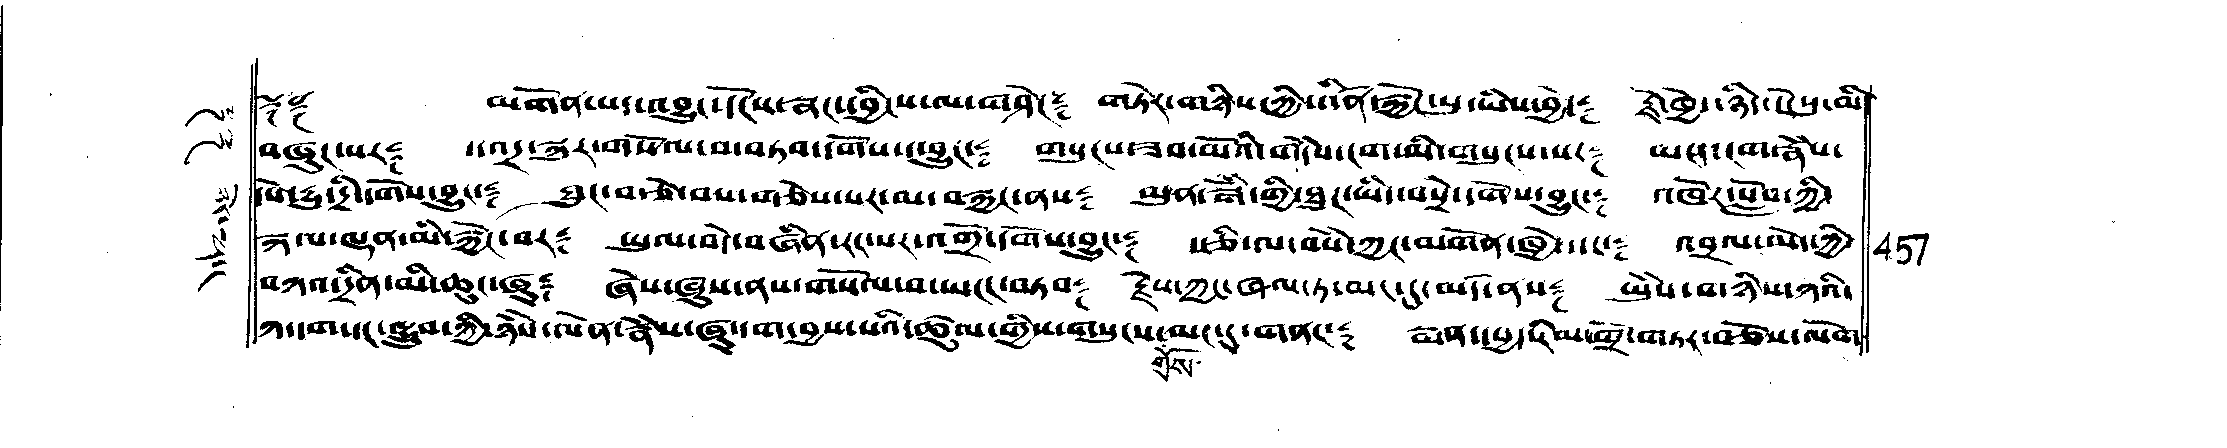།མགོན་པད་འབྱུང་དངོས་སྣང་དབྱིངས་ལ་གཤེགས། །གཏེར་གཉིས་ཀྱི་འཛིན་སྐྱོང་སུ་ཡིས་བྱེད། །རྗེ་ཁྱེད་ཉིད་དངོས་སུ་མི་
བཞུགས་པར། །ད་འདྲ་སྐུར་གསོལ་བ་བཏབ་དགོས་འབྱུང་། །གསུངས་ཟབ་མོའི་གདམས་ངག་མི་གསུངས་པར། །མན་ངག་རྣམས་
དཔེ་རུ་བྲི་དགོས་བྱུང་། །ཐུགས་བརྩེ་བས་གཅེས་པར་མ་བསྐྱང་ནས། །མུན་སྒོམ་གྱི་ཐུགས་ཡིད་བསྲེ་དགོས་བྱུང་། །འཁོར་སློབ་ཀྱི་
སྐལ་ལྡན་མི་སྐྱོང་བར། །ཡུལ་བདེ་བཞིན་རང་སར་འགྲོ་དགོས་བྱུང་། །ད་ཅི་ལ་བསམ་ཀྱང་མགོན་ཁྱེད་དང་། །འབྲལ་མེད་ཀྱི་
བཀའ་དྲིན་མི་ཆུང་ཞུ། །ཞེས་ཞུས་ནས་གསོལ་བ་ཡང་ཡང་བཏབ།རྗེས་ཀྱང་ཞལ་ཏ་མང་དུ་མཛད་ནས། ཡབ་ཡུམ་གཉིས་ཀའི་
ཀ་དག་དང་ལྷུན་གྲུབ་ཀྱི་ཉམས་ལེན་རྣམས་ཞུ་དག་བྱས་པའི་ཚུལ་གྱིས་གསུངས་གྲོས་མང་དུ་གནང་། སྨན་དཔྱད་རིམ་གྲོ་གཏར་བཅོས་ལོག་